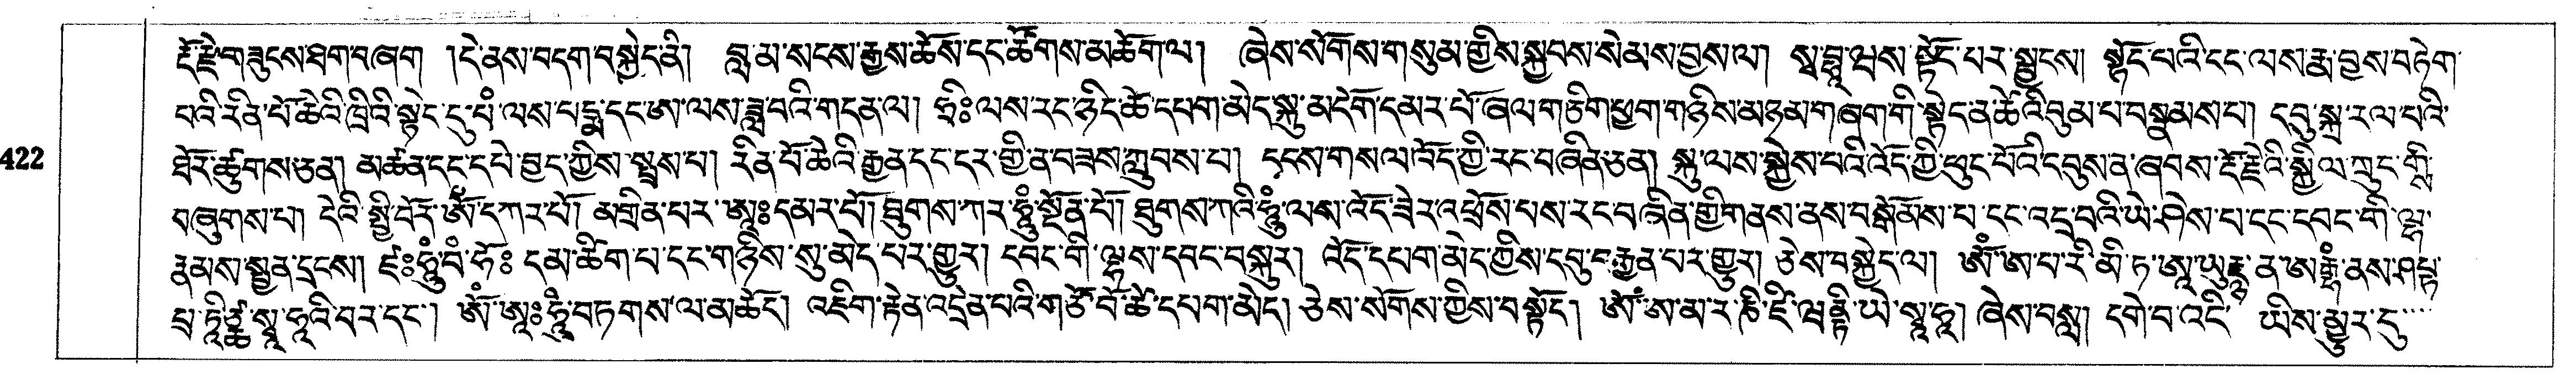རྡོ་རྗེ་གཟུངས་ཐག་བཞག །དེ་ནས་བདག་བསྐྱེད་ནི། བླ་མ་སངས་རྒྱས་ཆོས་དང་ཚོགས་མཆོག་ལ། ཞེས་སོགས་གསུམ་གྱིས་སྐྱབས་སེམས་བྱས་ལ། སྭ་བྷཱ་ཝས་སྟོང་པར་སྦྱངས། སྟོང་པའི་ངང་ལས་རྨ་བྱས་བཏེག་
པའི་རིན་པོ་ཆེའི་ཁྲིའི་སྟེང་དུ་པཾ་ལས་པདམ་དང་ཨ་ལས་ཟླ་བའི་གདན་ལ། ཧྲིཿ ལས་རང་ཉིད་ཚེ་དཔག་མེད་སྐུ་མདོག་དམར་པོ་ཞལ་གཅིག་ཕྱག་གཉིས་མཉམ་གཞག་གི་སྟེང་ན་ཚེའི་བུམ་པ་བསྣམས་པ། དབུ་སྐྲ་རལ་པའི་
ཐོར་ཚུགས་ཅན། མཚན་དང་དཔེ་བྱད་ཀྱིས་སྤྲས་པ། རིན་པོ་ཆེའི་རྒྱན་དང་དར་གྱི་ན་བཟས་ཀླུབས་པ། དངས་གསལ་འོད་ཀྱི་རང་བཞིན་ཅན། སྐུ་ལས་སྐྱེས་པའི་འོད་ཀྱི་ཕུང་པོའི་དབུས་ན་ཞབས་རྡོ་རྗེའི་སྐྱིལ་ཀྲུང་གིས་
བཞུགས་པ། དེའི་སྤྱི་བོར་ཨོཾ་དཀར་པོ། མགྲིན་པར་ཨཱཿ དམར་པོ། ཐུགས་ཀར་ཧཱུཾ་སྔོན་པོ། ཐུགས་ཀའི་ཧཱུཾ་ལས་འོད་ཟེར་འཕྲོས་པས་རང་བཞིན་གྱི་གནས་ནས་བསྒོམས་པ་དང་འདྲ་བའི་ཡེ་ཤེས་པ་དང་དབང་གི་ལྷ་
རྣམས་སྤྱན་དྲངས། ཛཿ ཧཱུཾ་བཾ་ཧོཿ དམ་ཚིག་པ་དང་གཉིས་སུ་མེད་པར་གྱུར། དབང་གི་ལྷས་དབང་བསྐུར། འོད་དཔག་མེད་ཀྱིས་དབུ་བརྒྱན་པར་གྱུར། ཅེས་བསྐྱེད་ལ། ཨོཾ་ཨ་པ་རི་མི་ཏ་ཨཱ་ཡུརྫྙ་ན་ཨརྒྷཾ་ནས་ཤཔྟ་
པྲ་ཏཱི་ཙྪ་སྭཱ་ཧཱའི་བར་དང་། ཨོཾ་ཨཱཿ ཧཱུཾ་བཏགས་ལ་མཆོད། འཇིག་རྟེན་འདྲེན་པའི་གཙོ་བོ་ཚེ་དཔག་མེད། ཅེས་སོགས་ཀྱིས་བསྟོང་། ཨོཾ་ཨ་མ་ར་ཎི་ཛི་ཝནྟི་ཡེ་སྭཱ་ཧཱ། ཞེས་བསླ། དགེ་བ་འདི་ཡིས་མྱུར་དུ་